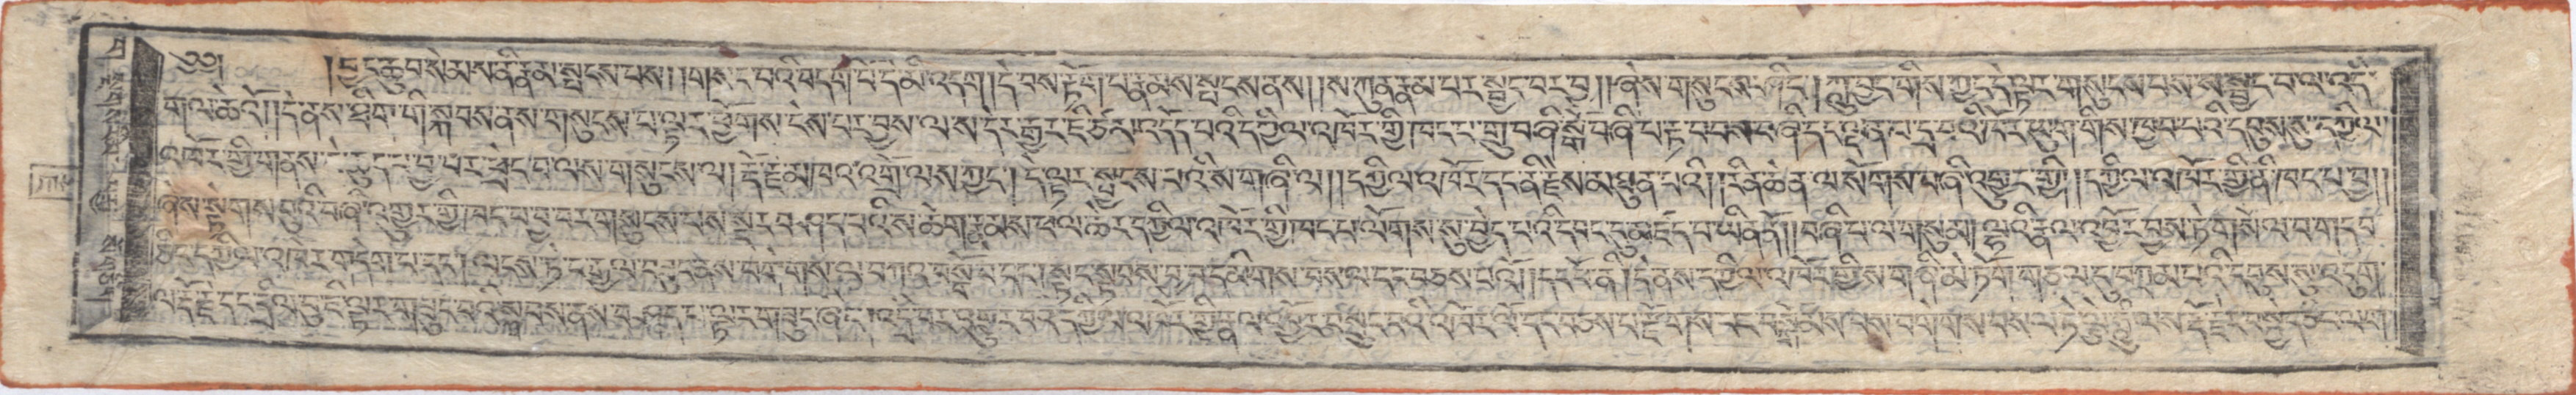༄༅། །བྱང་ཆུབ་སེམས་ནི་རྣམ་སྤངས་པས། །གསང་བའི་བདག་པོ་དེ་མི་འདག །དེ་བས་རྟོག་པ་རྣམས་སྤངས་ནས། །ས་ཀུན་རྣམ་པར་སྦྱང་བར་བྱ། །ཞེས་གསུངས་ཤིང་། ཀླུ་བྱང་གིས་ཀྱང་དེ་ལྟར་གསུངས་པས་ས་སྦྱང་བ་ལ་འདི་
གལ་ཆེའོ། །དེ་ནས་ཐིག་གི་སྐབས་ནས་གསུངས་པ་ལྟར་ཕྱོགས་ངེས་པར་བྱས་ལ་ས་དེར་རྒྱར་ཇི་ཙམ་འདོད་པའི་དཀྱིལ་འཁོར་གྱི་ཁང་པ་གྲུ་བཞི་སྒོ་བཞི་པ་རྟ་བབས་བཞི་དང་ལྡན་པ་དྲ་བའི་ཁོར་ཡུག་གིས་ཁྱབ་པའི་དབུས་སུ་དཀྱིལ་
འཁོར་གྱི་གནས་དེ་ཆུད་པ་བྱ་བར་ཕྲེང་བ་ལས་གསུངས་ལ། རྡོ་རྗེ་མཁའ་འགྲོ་ལས་ཀྱང་། དེ་ལྟར་སྤྱངས་པའི་ས་གཞི་ལ། །དཀྱིལ་འཁོར་དང་ནི་རྗེས་མཐུན་པའི། །རིན་ཆེན་ལ་སོགས་བཞི་འགྱུར་གྱི། །དཀྱིལ་འཁོར་གྱི་ནི་ཁང་པ་བྱ། །
ཞེས་སྟེགས་བུའི་བཞི་འགྱུར་གྱི་ཁང་བ་བྱ་བར་གསུངས་པས་སྔར་བཤད་པའི་ས་ཆོག་རྣམས་ཕལ་ཆེར་དཀྱིལ་འཁོར་གྱི་ཁང་པ་ལོགས་སུ་བྱེད་པའི་དབང་དུ་མཛད་པ་ཡིན་ནོ། །བཞི་པ་ལ་གསུམ། ལྷའི་རྣལ་འབྱོར་བྱས་ཏེ་གསོལ་བ་གདབ་
ཅིང་དཀྱིལ་འཁོར་གདེག་པ་དང་། ལངས་ཏེ་ང་རྒྱལ་བཟུང་ནས་བགེགས་ལ་བཀའ་བསྒོ་བ་དང་། སྟང་སྟབས་བྱ་བ་དམིགས་བསལ་དང་བཅས་པའོ། །དང་པོ་ནི། དེ་ནས་དཀྱིལ་འཁོར་གྱི་ས་གཞི་མེ་ཏོག་གཅལ་དུ་བཀྲམ་པའི་དབུས་སུ་འདུག་
ལ་རྡོ་རྗེ་དང་དྲིལ་བུ་ཇི་ལྟར་གཟུང་བའི་སྐབས་ནས་བཤད་པ་ལྟར་གཟུང་ཞིང་། འདྲི་བར་འགྱུར་བའི་དཀྱིལ་འཁོར་གྱི་རྣལ་འབྱོར་བསྲུང་བའི་འཁོར་ལོ་དང་བཅས་པ་རྫོགས་པར་བསྒོམས་པས་བགེགས་བསལ་ཏེ་ལྕེ་ཧཱུཾ་ལས་རྡོ་རྗེར་བསྐྱེད་ཅིང་ལག་